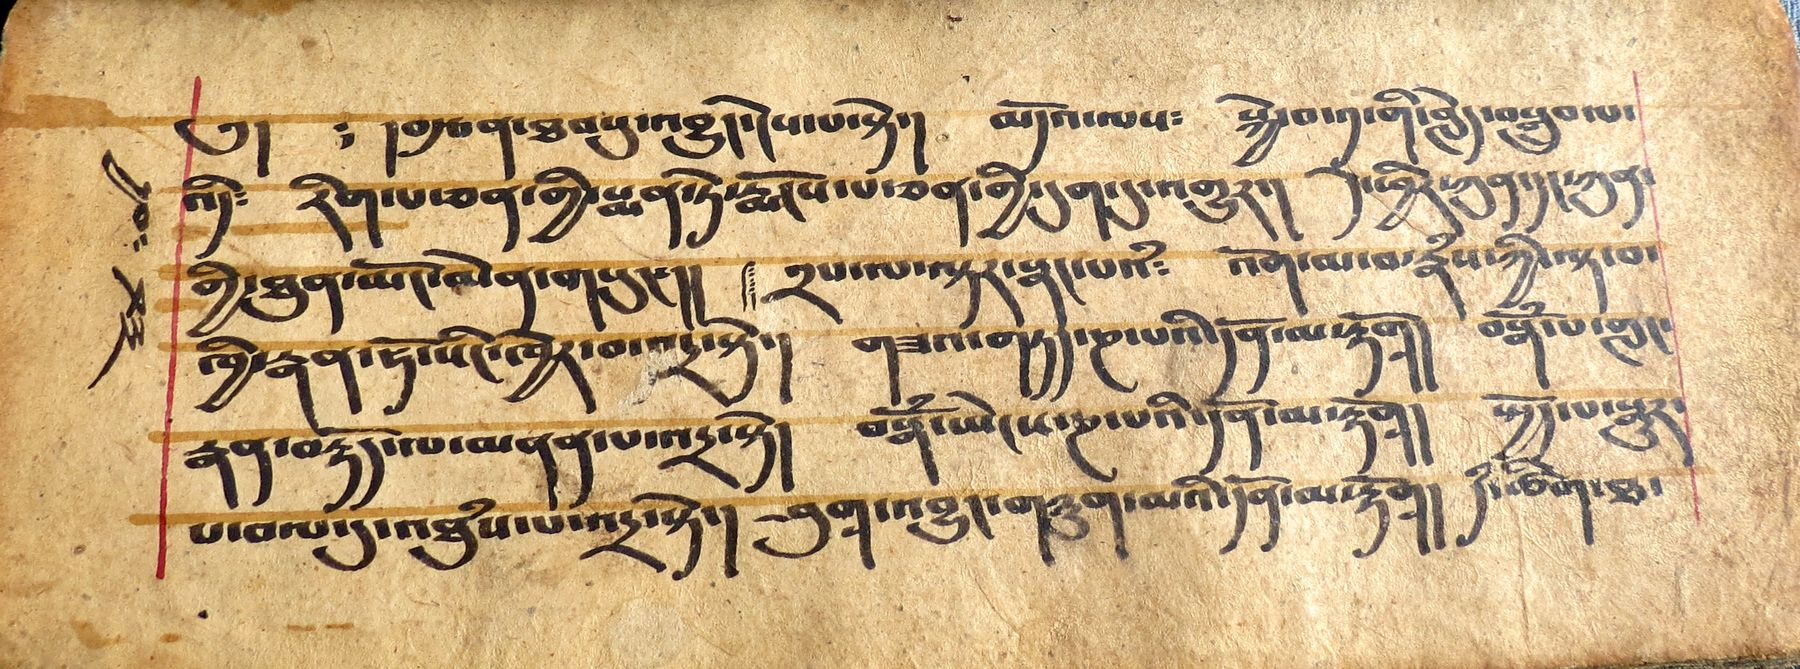བཙན་ཐབས་སུ་འབྱུང་ངེས་པ་སྟེ། མདོ་ལས་སྐྱེ་བ་གཅིག་གིས་བླ་མེད་སྒྲུབ་པ་
འདི། རིག་པ་ཅན་གྱི་སྨན་ཡིན་ཏེ། རྨོངས་པ་ཅན་གྱི་དུག་ཏུ་གྱུར། དེ་ཕྱིར་ཀུན་དང་ཀུན་
གྱི་ཐུན་མོང་མིན་གསུངས། ༧གཉིས་པ་༼སུན་ཕྱུང་བ༽ལ། ལྟར་སྣང་བའམ། འོག་མ་བ་རྣམས་ཀྱི་ལྟ་བ་
ཁྱི་རྒན་ཧོ་སིང་ཁྱེར་བ་འདྲ་སྟེ། གཟའ་གཏད་མེད་པའི་དོན་མ་རྟོགས། སྒོམ་པ་གླང་
རྒན་རྟོད་ལ་མནན་པ་འདྲ་སྟེ། སྒོམ་ཡེངས་མེད་པའི་དོན་མ་རྟོགས། སྤྱོད་པ་སྦུར་
བ་བལ་དུ་བཏུམས་པ་འདྲ་སྟེ། ཤུགས་འབྱུང་གཉུག་མའི་དོན་མ་རྟོགས། དམ་ཚིག་ཐ་